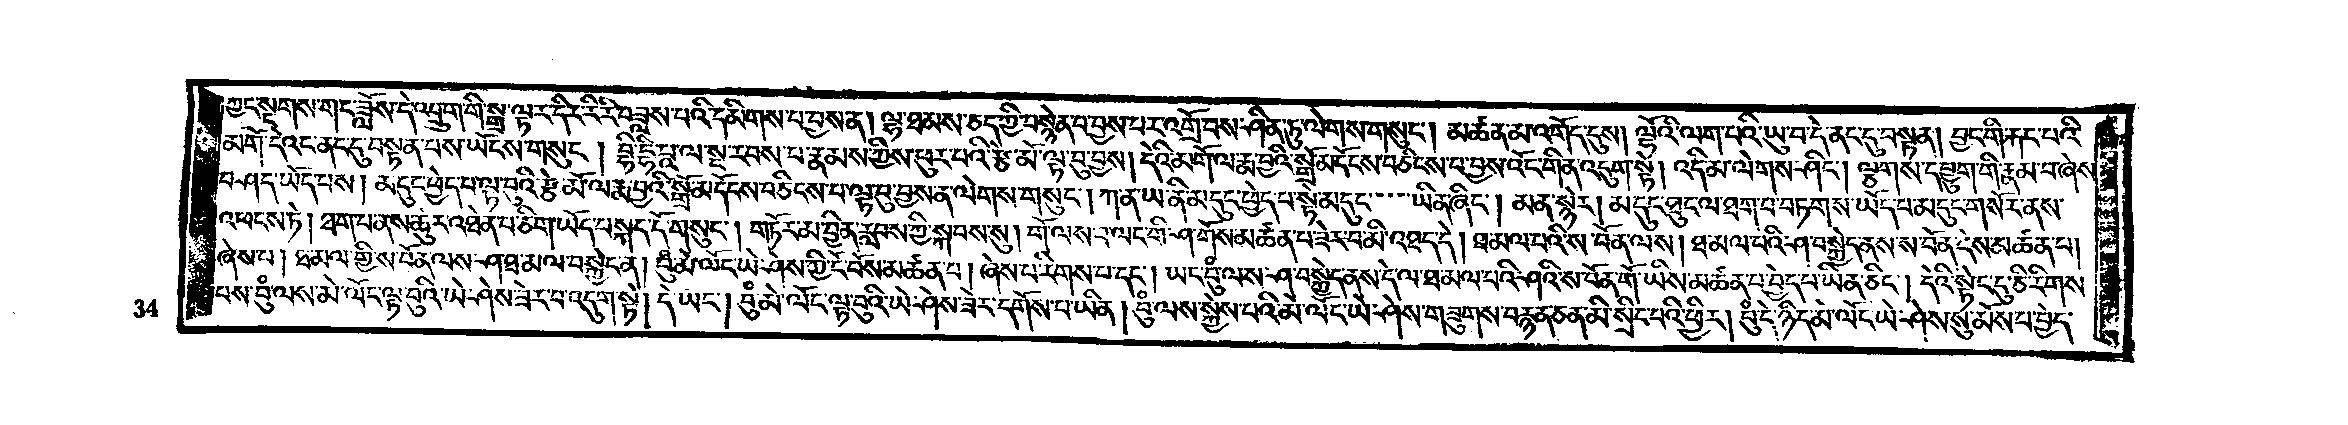ཀྱང་སྔགས་གང་ཟློས་དེ་འབྲུག་གི་སྒྲ་ལྟར་དིར་རི་རི་བཟླས་པའི་དམིགས་པ་བྱས་ན། ལྷ་ཐམས་ཅད་ཀྱི་བསྙེན་པ་བྱས་པར་འགྲོ་བས་ཤིན་ཏུ་ལེགས་གསུང་། མཚན་མ་འགོད་དུས། ལྷོའི་ལག་པའི་ཡུ་བ་དེ་ནང་དུ་བསྟན། བྱང་གི་རྐང་པའི་
མགོ་དེའང་ནང་དུ་བསྟན་པས་ཡོངས་གསུང་། བྷི་དྷི་པཱ་ལ་སྔ་རབས་པ་རྣམས་ཀྱིས་ཕུར་པའི་རྩེ་མོ་ལྟ་བུ་བྱས། དེའི་མགོ་ལ་རྨ་བྱའི་སྒྲོ་མདོངས་བཅིངས་པ་བྱས་འོང་གིན་འདུག་སྟེ། འདི་མ་ལེགས་ཤིང་། ལྕགས་དབྱུག་གི་རྣམ་པ་བ་ཞེས་
བཤད་ཡོད་པས། མདུང་ཕྱེད་པ་ལྟ་བུའི་རྩེ་མོ་ལ་རྨ་བྱའི་སྒྲོ་མདོངས་བཅིངས་པ་ལྟ་བུ་བྱས་ན་ལེགས་གསུང་། ཀ་ན་ཡ་ནི་མདུང་ཕྱེད་པ་སྟེ་མདུང་ཡིན་ཞིང་། མན་སྙེར། མདུང་ཐུང་ལ་ཐག་པ་བཏགས་ཡོད་པ་མདུང་གསོར་ནས་
འཕངས་ཏེ། ཐག་པ་ནས་ཚུར་འཐེན་པ་ཅིག་ཡོད་པ་སྐད་དོ་གསུང་། གཏོར་མ་བྱིན་རླབས་ཀྱི་སྐབས་སུ། གོ་ལས་བ་ལང་གི་ཤ་གོས་མཚན་པ་ཟེར་བ་མི་འཐད་དེ། ཐ་མལ་པའི་ས་བོན་ལས། ཐ་མལ་པའི་ཤ་བསྐྱེད་ནས་ས་བོན་དེས་མཚན་པ།
ཞེས་པ། ཐ་མལ་གྱི་ས་བོན་ལས་ཤ་ཐ་མལ་བསྐྱེད་ན། བུཾ་མེ་ལོང་ཡེ་ཤེས་ཀྱི་ངོ་བོས་མཚན་པ། ཞེས་པ་རིགས་པ་དང་། ཡང་བུཾ་ལས་ཤ་བསྐྱེད་ནས་དེ་ལ་ཐ་མལ་པའི་ཤའི་ས་བོན་གོ་ཡིས་མཚན་པ་བྱེད་པ་ཡིན་ཅིང་། དེའི་སྟེང་དུ་ཅི་རིགས་
པས་བུཾ་ལས་མེ་ལོང་ལྟ་བུའི་ཡེ་ཤེས་ཟེར་བ་འདུག་སྟེ། དེ་ཡང་། བུཾ་མེ་ལོང་ལྟ་བུའི་ཡེ་ཤེས་ཟེར་དགོས་པ་ཡིན། བུཾ་ལས་སྐྱེས་པའི་མེ་ལོང་ཡེ་ཤེས་གཟུགས་བརྙན་ཅན་མི་སྲིད་པའི་ཕྱིར། བུཾ་དེ་ཉིད་མེ་ལོང་ཡི་ཤེས་སུ་མེད་པ་བྱེད་